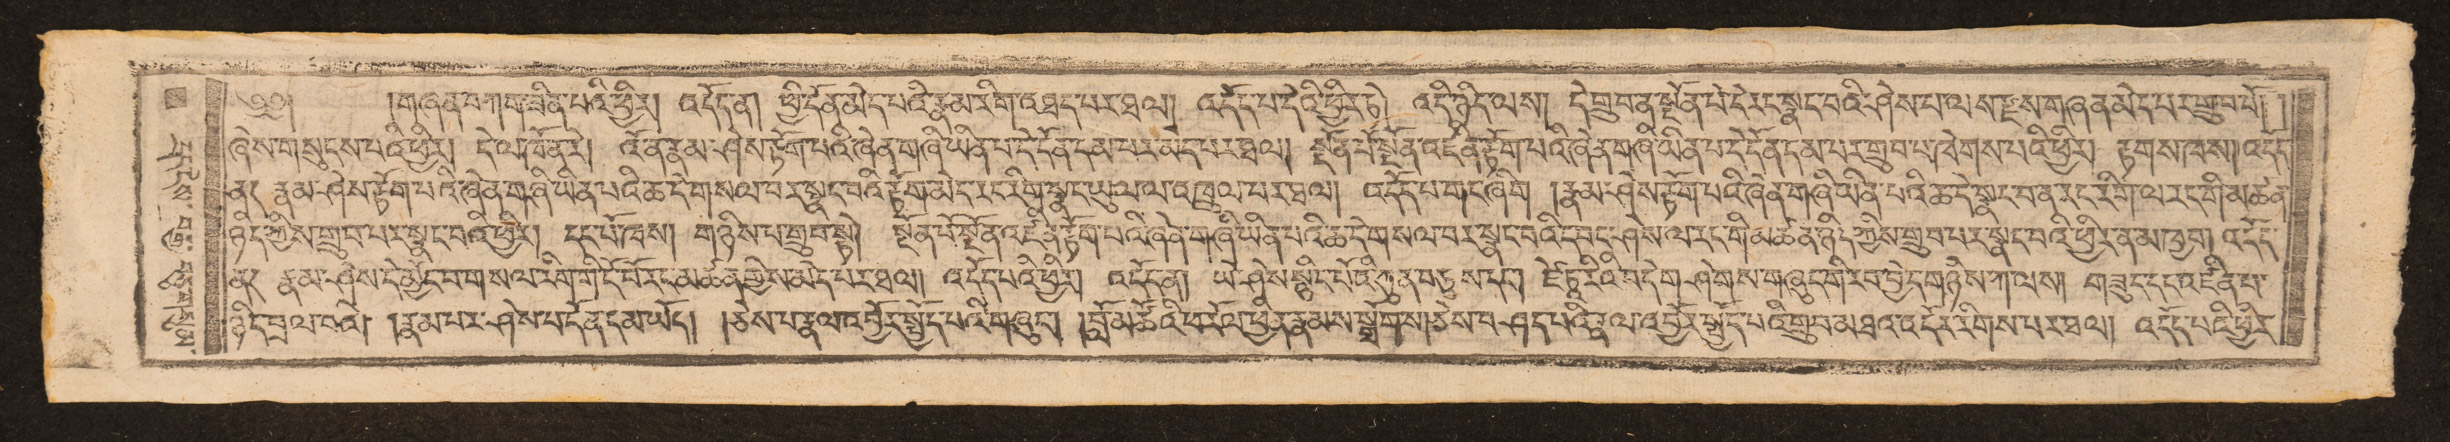༄༅། །གཞན་བཀག་ཟིན་པའི་ཕྱིར། འདོད་ན། ཕྱི་དོན་མེད་པའི་རྣམ་རིག་འཐད་པར་ཐལ། འདོད་པ་དེའི་ཕྱིར་ཏེ། འདི་ཉིད་ལས། དེ་གྲུབ་ན་སྔོན་པོ་དེ་རང་སྣང་བའི་ཤེས་པ་ལས་རྫས་གཞན་མེད་པར་གྲུབ་བོ། །
ཞེས་གསུངས་པའི་ཕྱིར། དེ་ལ་ཁོ་ན་རེ། འོ་ན་རྣམ་ཤེས་རྟོག་པའི་ཞེན་གཞི་ཡིན་པ་དེ་དོན་དམ་པར་མེད་པར་ཐལ། སྔོན་པོ་སྔོན་འཛིན་རྟོག་པའི་ཞེན་གཞི་ཡིན་པ་དེ་དོན་དམ་པར་གྲུབ་པ་ཁེགས་པའི་ཕྱིར། རྟགས་ཁས། འདོད་
ན༑ རྣམ་ཤེས་རྟོག་པའི་ཞེན་གཞི་ཡིན་པའི་ཆ་དེ་གསལ་བར་སྣང་བའི་རྟོག་མེད་རང་རིག་སྣང་ཡུལ་ལ་འཁྲུལ་པར་ཐལ། འདོད་པ་གང་ཞིག །རྣམ་ཤེས་རྟོག་པའི་ཞེན་གཞི་ཡིན་པའི་ཆ་དེ་སྣང་བ་ན་རང་རིག་ལ་རང་གི་མཚན་
ཉིད་ཀྱིས་གྲུབ་པར་སྣང་བའི་ཕྱིར། དང་པོ་ཁས། གཉིས་པ་གྲུབ་སྟེ། སྔོན་པོ་སྔོན་འཛིན་རྟོག་པའི་ཞེན་གཞི་ཡིན་པའི་ཆ་དེ་གསལ་བར་སྣང་བའི་དབང་ཤེས་ལ་རང་གི་མཚན་ཉིད་ཀྱིས་གྲུབ་པར་སྣང་བའི་ཕྱིར་ན་མ་ཁྱབ། འདོད་
ན༑ རྣམ་ཤེས་དེ་མྱོང་བ་གསལ་རིག་གི་ངོ་བོ་རང་མཚན་གྱིས་མེད་པར་ཐལ། འདོད་པའི་ཕྱིར། འདོད་ན། ཡེ་ཤེས་སྙིང་པོའི་ཀུན་བཏུས་དང་། ཛེ་ཏཱ་རིའི་བདེ་གཤེགས་གཞུང་གི་རབ་བྱེད་གཉིས་ཀ་ལས། གཟུང་དང་འཛིན་པ་
ཉིད་བྲལ་བའི། །རྣམ་པར་ཤེས་པ་དོན་དམ་ཡོད། །ཅེས་པ་རྣལ་འབྱོར་སྤྱོད་པའི་གཞུང་། །བློ་མཚོའི་ཕ་རོལ་ཕྱིན་རྣམས་སྒྲོགས། ཅེས་བཤད་པའི་རྣལ་འབྱོར་སྤྱོད་པའི་གྲུབ་མཐའ་འདོར་རེགས་པར་ཐལ། འདོད་པའི་ཕྱིར་